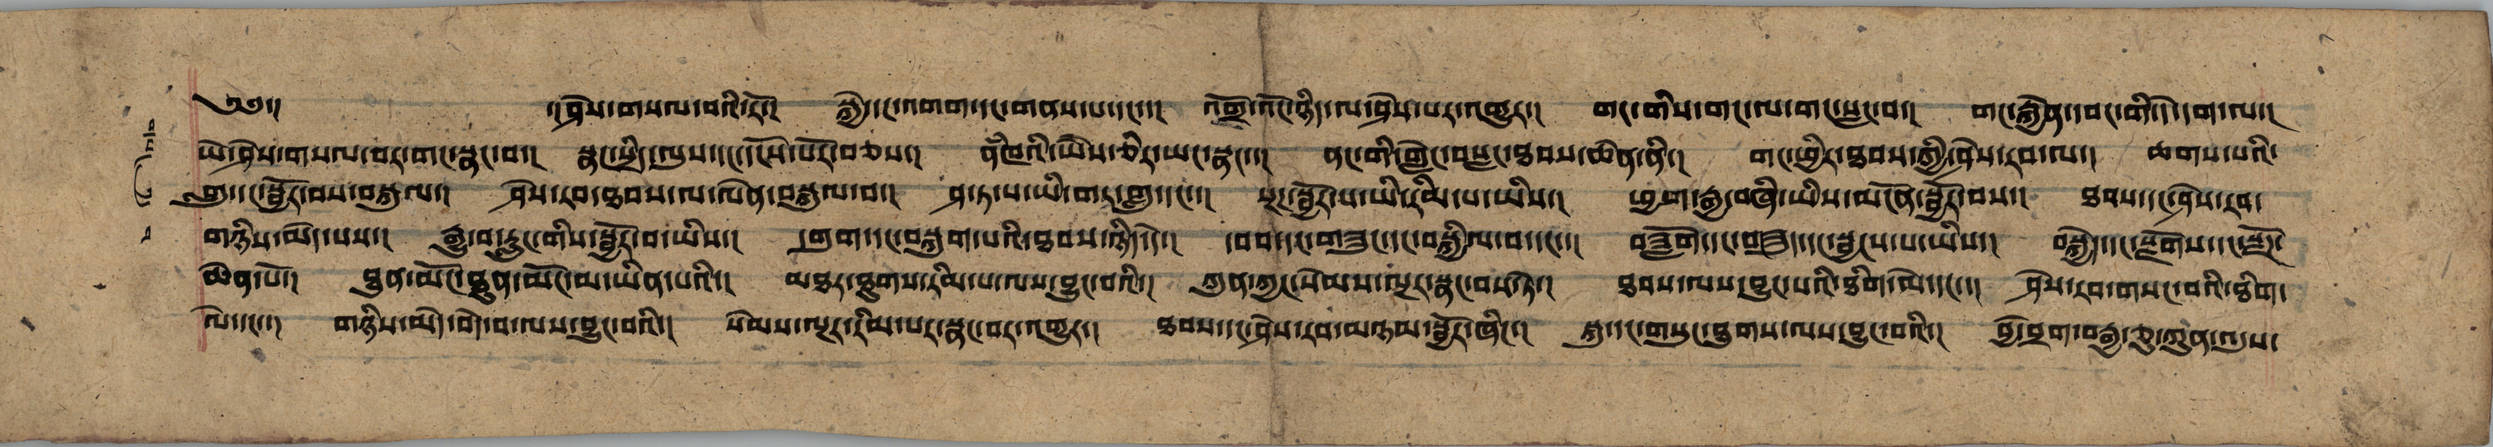༄༅་། ་།ཤེས་གསལ་བའི་རོ་། སྐྱེ་དང་འགག་དང་གནས་པ་དང་་། འགྲོ་འོང་ཉིད་ལ་ཤེས་པར་འགྱུར་། གང་གིས་གང་ལ་གང་སླང་བ་། གང་རྐྱེན་དབང་གི་དེ་དག་ལ་།
ཡེ་ཤེས་གསལ་བར་གང་སྣང་བ་། སྣང་སྲིད་ལུས་དང་དངོས་པོར་བཅས་། ནཾཁའི་ཡཻས་ཅིར་ཡང་སྣང་་། ནང་གི་གླེང་བསླང་ཐབས་ཆེན་ནི་། གང་ཕྱིར་ཐབས་ཀྱི་ཤེས་རབ་ལ་། ཆགས་པའི་
གླུ་དང་སྦྱོར་བས་བསྐུལ་། ཤེས་རབ་ཐབས་ལ་ལེན་བསྐུལ་བ་། ཤ་ཏ་པ་ཡི་གར་གླུ་དང་་། སྔཌ་སྦྱོར་པ་ཡི་རིམ་པ་ཡིས་། ཕྱག་རྒྱ་བཞི་ཡིས་མངོན་སྦྱོར་བས་། ཐབས་དང་ཤེས་རབ་
གཉིས་མེད་པས་། རྒྱུ་བ་རླུང་གིས་སྦྱོར་བ་ཡིས་། དགུག་དང་བསྐུག་པའི་ཐབས་ཉིད་དེ་། དབབ་དང་གཟུང་དང་བསྐྱིལ་བ་དང་་། བཟློག་དང་གཟུད་དང་སྦྱངས་པ་ཡིས་། བསྐྱེད་དང་སྫོགས་དང་སྫོཌ་
ཆེན་པོ་། ཐུན་མོང་ཐུན་མོང་མ་ཡིན་པའི་། མཐར་ཐུགས་རིམ་པ་ལས་བྱུང་བའི་། ཀུན་ཀྱང་སེམས་ལྔར་སྣང་བས་ཏེ་། ཐབས་ལས་བྱུང་པའི་ཐིག་ལེ་དང་་། ཤེས་རབ་གསང་བའི་ཐིག་
ལེ་དང་་། གཉིས་མེད་བདེ་བ་ལས་བྱུང་བའི་། སེམས་ལྔར་རིམ་པར་སྣང་བར་འགྱུར་། ཐབས་དང་ཤེས་རབ་མཉམ་སྦྱོར་ཞིང་། སྐུ་དང་གསུང་ཐུགས་ལས་བྱུང་བའི་། བྱེ་བྲག་བརྒྱ་ཅུ་ཀུན་འདུས་